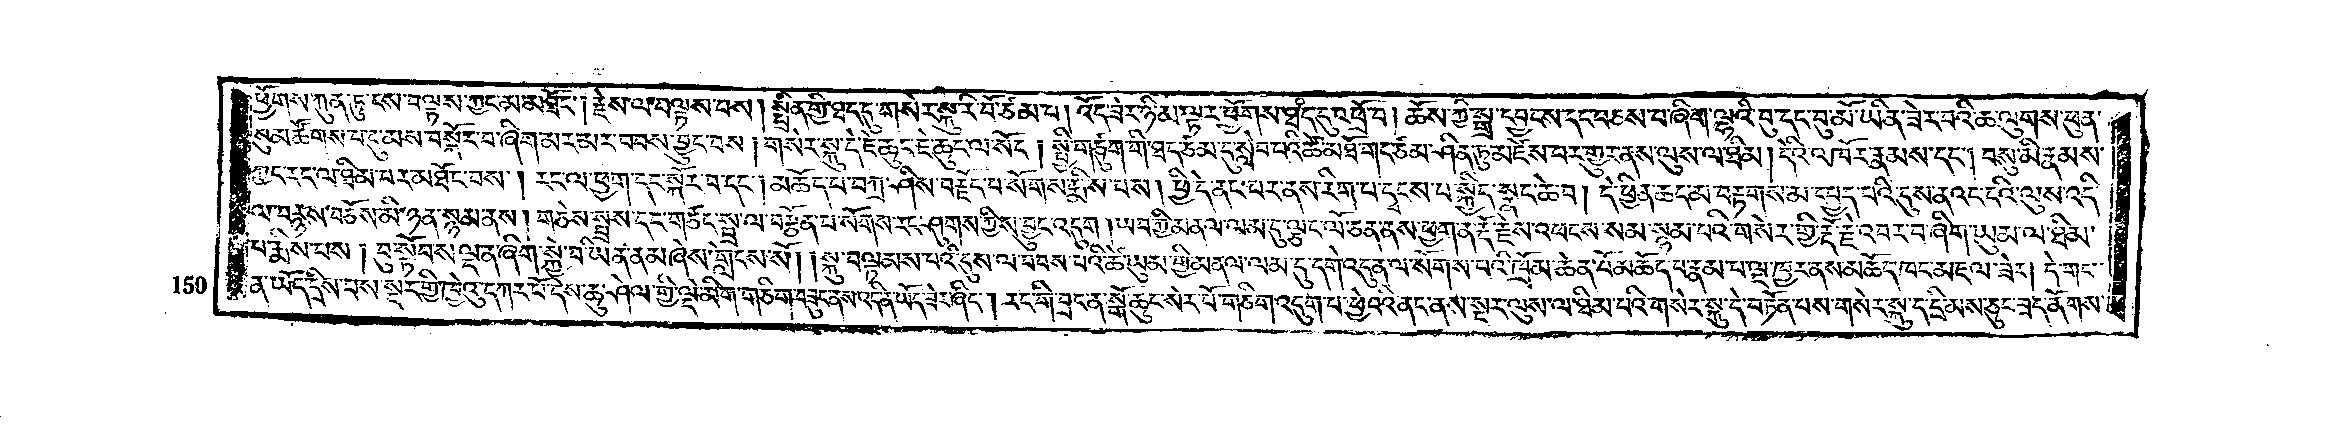ཕྱོགས་ཀུན་ཏུ་ངས་བལྟས་ཀྱང་མ་མཐོང་། རྗེས་ལ་བལྟས་བས། སྤྲིན་གྱི་ཐད་དུ་གསེར་སྐུ་རི་བོ་ཙམ་པ། འོད་ཟེར་ཉི་མ་ལྟར་ཕྱོགས་ཐཾད་དུ་འཕྲོ་བ། ཆོས་ཀྱི་སྒྲ་དབྱངས་དང་བཅས་པ་ཞིག་ལྷའི་བུ་དང་བུ་མོ་ཡིན་ཟེར་བའི་ཆ་ལུགས་ཕུན་
སུམ་ཚོགས་པ་དུ་མས་བསྐོར་བ་ཞིག་མར་མར་བབས་བྱུང་བས། གསེར་སྐུ་དེ་ཇེ་ཆུང་ཇེ་ཆུང་ལ་སོང་།སྤྱི་གཙུག་གི་ཐད་ཙམ་དུ་སླེབ་པའི་ཚེ་མཐོ་གང་ཙམ་ཤིན་ཏུ་མཛེས་པར་གྱུར་ནས་ལུས་ལ་ཐིམ། དེའི་འཁོར་རྣམས་དང་། བསུ་མི་རྣམས་
ཀྱང་རང་ལ་ཐིམ་པར་མཐོང་བས། རང་ལ་ཕྱག་དང་སྐོར་བ་དང་། མཆོད་པ་བཀྲ་ཤིས་བརྗོད་པ་སོགས་རྨིས་པས། ཕྱི་དེ་ནང་པར་ནས་རིག་པ་དྭངས་པ་སྐྱིད་སྣང་ཆེ་བ། དེ་ཕྱིན་ཆད་མ་བརྟགས་མ་དཔྱད་པའི་དུས་ནའང་ངའི་ལུས་འདི་
ལ་བརྙས་བཅོས་མི་ཉན་སྙམ་ནས། གཅེས་སྤྲས་དང་གཙང་སྦྲ་ལ་བརྩོན་པ་སོགས་རང་ཤུགས་ཀྱིས་བྱུང་འདུག །ཡབ་ཀྱི་མནལ་ལམ་དུ་ལྕང་ལོ་ཅན་ནས་ཕྱག་ན་རྡོ་རྗེས་འཕངས་སམ་སྙམ་པའི་གསེར་གྱི་རྡོ་རྗེ་འབར་བ་ཞིག་ཡུམ་ལ་ཐིམ་
པ་རྨིས་པས། བུ་སྟོབས་ལྡན་ཞིག་སྐྱེ་བ་ཡིན་ནམ་ཞེས་གླེངས་སོ། །སྐུ་བལྟམས་པའི་དུས་ལ་བབས་པའི་ཚེ་ཡུམ་གྱི་མནལ་ལམ་དུ་དགེ་འདུན་ལ་སོགས་པའི་ཁྲོམ་ཆེན་པོ་མཆོད་པ་རྣམ་པ་ལྔ་ཁྱར་ནས་མཆོད་ཁང་མཇལ་ཟེར། དེ་གང་
ན་ཡོད་དྲིས་པས་སྔར་གྱི་ཁྱེའུ་དཀར་པོ་དེས་ཆུ་ཤེལ་གྱི་ལྡེ་མིག་གཅིག་བཟུང་ནས་འདི་ན་ཡོད་ཟེར་ཞིང་། རང་གི་བྲང་ན་སྒོ་ཆུང་སེར་པོ་གཅིག་འདུག་པ་ཕྱེ་བའི་ནང་ནས་སྔར་ལུས་ལ་ཐིམ་པའི་གསེར་སྐུ་དེ་བཏོན་པས་གསེར་སྐུ་ད་དྲི་མས་ཅུང་ཟད་ནོགས་